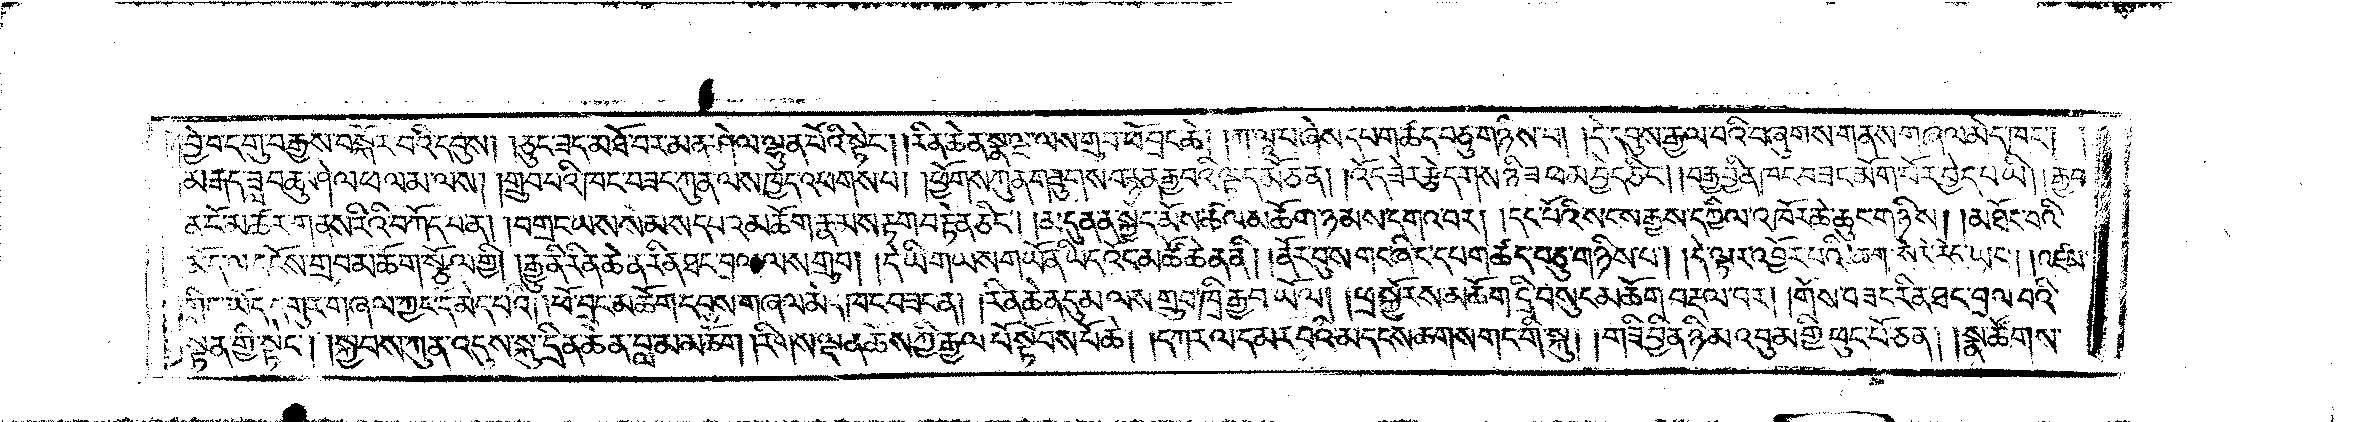བྱེ་བ་དགུ་བརྒྱས་བསྐོར་པའི་དབུས། །ཅུང་ཟད་མཐོ་བར་མན་ཤེལ་ལྷུན་པོའི་སྟེང་། །རིན་ཆེན་སྣ་ལྔ་ལས་གྲུབ་ཕོ་བྲང་ཆེ། །ཀ་ལཱ་པ་ཞེས་དཔག་ཚད་བཅུ་གཉིས་པ། །དེ་དབུས་རྒྱལ་བའི་བཞུགས་གནས་གཞལ་མེད་ཁང་། །
མ་རྒད་ཟླ་བྖུ་ཤེལ་ཕ་ལམ་ལས། །གྲུབ་པའི་ཁང་བཟང་ཀུན་ལས་ཁྱད་འཕགས་པ། །ཕྱོགས་ཀུན་གཟུགས་བརྙན་རྒྱ་བའི་ལྟད་མོ་ཅན། །འོད་ཟེར་རྩེ་དགས་ཉི་ཟ་ཕམ་བྱེད་ཅིང་། །བརྒྱ་བྱིན་ཁང་བཟང་མོག་པོར་བྱེད་པ་ཡི། །རྒྱབ་
ན་ངོ་མཚར་གནས་རིའི་བཀོད་པ་ན། །བགྲང་ཡས་སམས་དཔའ་མཆོག་རྣམས་རྟག་བརྟེན་ཅིང་། །མདུན་ན་སྐྱེད་མོས་ཚལ་མཆོག་ཉམས་དགའ་བར། །དང་པོའི་སངས་རྒྱས་དཀྱིལ་འཁྲོ་ཆེ་ཆུང་གཉིས། །མཐོང་བའི་
མདོ་ལ་དངོས་གྲུབ་མཆོག་སྩོལ་གྱི། །རྒྱུ་ནི་རིན་ཆེན་རིན་ཐང་བྲལ་ལས་གྲུབ། །དེ་ཡི་གཡས་གཡོན་ཡིད་འོང་མཚོ་ཆེན་ནི། །ནོར་བུས་གང་ཞིང་དཔག་ཚད་བཅུ་གཉིས་པ། །དེ་ལྟར་འབྱོར་པའི་ཆག་སེར་རེང་ཡང་། །འཛམ་
གླིང་ཡོད་དགུར་གཞལ་ཀྱང་དོ་མེད་པའི། །ཕོ་བྲང་མཆོག་དབུས་གཞལ་མེད་ཁང་བཟང་ན། །རིན་ཆེན་དུམ་ལས་གྲུབ་ཁྲི་རྒྱབ་ཡོལ། །ཕྲ་སྐྱོར་ས་མཆོག་དྲི་བསུང་མཆོག་བརྡལ་བར། །གོས་བཟང་རིན་ཐང་བྲལ་པའི་
སྟན་གྱི་སྟེང་། །སྐྱབས་ཀུན་འདུས་སྐུ་དྲིན་ཆེན་བླ་མ་མཆོག །རིགས་ལྡན་ཆོས་ཀྱི་རྒྱལ་པོ་སྟོབས་པོ་ཆེ། །དཀར་ལ་དམར་པའི་མདངས་ཆགས་གང་གི་སྐུ། །གཟི་བྱིན་ཉི་མ་འབུམ་གྱི་ཕུང་པོ་ཅན། །སྣ་ཚོགས་